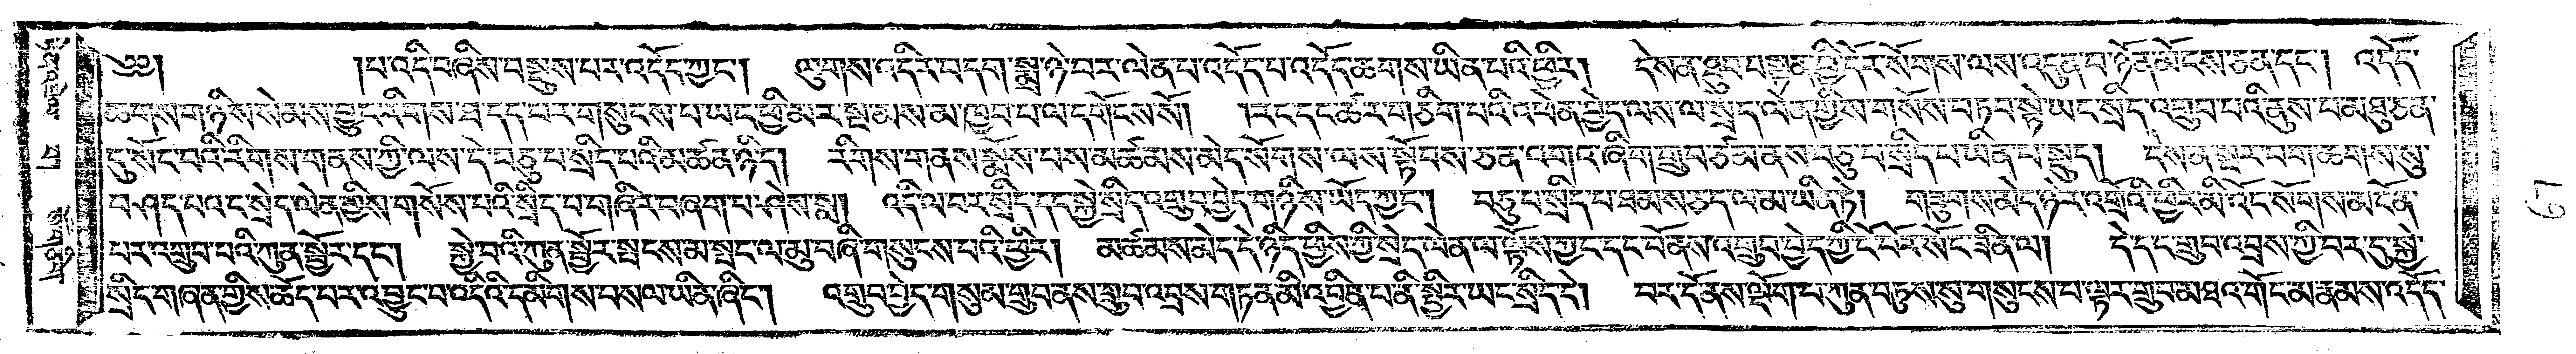༄༅། །པ་འདི་བཞིས་བསྡུས་པར་འདོད་ཀྱང་། ལུགས་འདིར་བདག་སྨྲ་ཉེ་བར་ལེན་པ་འདོད་པ་འདོད་ཆགས་ཡིན་པའི་ཕྱིར། དེས་ན་ཐུབ་བསྟན་བྱི་དོར་སོགས་ལས་འདུན་པ་ཉོན་མོངས་ཅན་དང་། འདོད་
ཆགས་གཉིས་སེམས་བྱུང་རིགས་ཐ་དད་པར་གསུངས་པ་ཡང་ཕྱི་མར་སྔ་མས་མ་ཁྱབ་པ་ལ་དགོངས་སོ། །རང་དང་ཚར་གཅིག་པའི་འཕེན་བྱེད་ལས་ལ་སྲེད་ལེན་གྱིས་གསོས་བཏབ་སྟེ་ཡང་སྲིད་འགྲུབ་པའི་ནུས་པ་མཐུ་ཅན་
དུ་སོང་བའི་རིགས་གནས་ཀྱི་ལས་དེ་བཅུ་པ་སྲིད་པའི་མཚན་ཉིད། རིགས་གནས་སྨོས་པས་མཚམས་མེད་སོགས་ལས་སྟོབས་ཅན་འགའ་ཞིག་གྲུབ་ཙམ་ནས་བཅུ་པ་སྲིད་པ་ཡིན་པ་སྡུད། དེས་ན་སྔར་བག་ཆགས་སུ་
བཤད་པའང་སྲེད་ཡེན་གྱིས་གསོས་པའི་སྲིད་བ་གཞིར་བཞག་པ་ཤེས་སླ། འདི་ལ་བར་སྲིད་དང་སྐྱེ་སྲིད་འགྲུབ་བྱེད་གཉིས་ཡོད་ཀྱང་། བཅུ་པ་སྲིད་པ་ཐམས་ཅད་ལ་མ་ཡིན་ཏེ། གཟུགས་མེད་ཉེར་འགྲོའི་ཕྱིར་མི་འོངས་སོགས་མངོན་
བར་འགྲུབ་བའི་ཀུན་སྦྱོར?་དང་། སྐྱེ་བའི་ཀུན་སྐྱོར་སྤངས་མ་སྤང་ལ་མུ་བཞི་གསུངས་པའི་ཕྱིར། མཚམས་མེད་དེ་ཉིད་ཕྱིས་ཀྱི་སྲེད་ལེན་ལ་ལྟོས་ཀྱང་དང་པོ་ནས་འགྲུབ་བྱེད་ཀྱི་ངོ་བོར་སོང་ཟིན་ལ། དེ་དང་གྲུབ་འབྲས་ཀྱི་བར་དུ་སྐྱེ་
སྲིད་གཞན་གྱིས་ཆོད་པར་འབྱུང་བ་འདིའི་དམིགས་བསལ་ཡིན་ཞིང་། འགྲུབ་བྱེད་གསུམ་གྲུབ་ནས་གྲུབ་འབྲས་གཏན་མི་འབྱིན་པ་ནི་སྤྱིར་ཡང་སྲིད་དེ། བར་དོ་ནས་ལྡོག་པ་ཀུན་བཏུས་སུ་གསུངས་པ་ལྟར་གྲུབ་མཐའ་གོང་མ་རྣམས་འདོད་